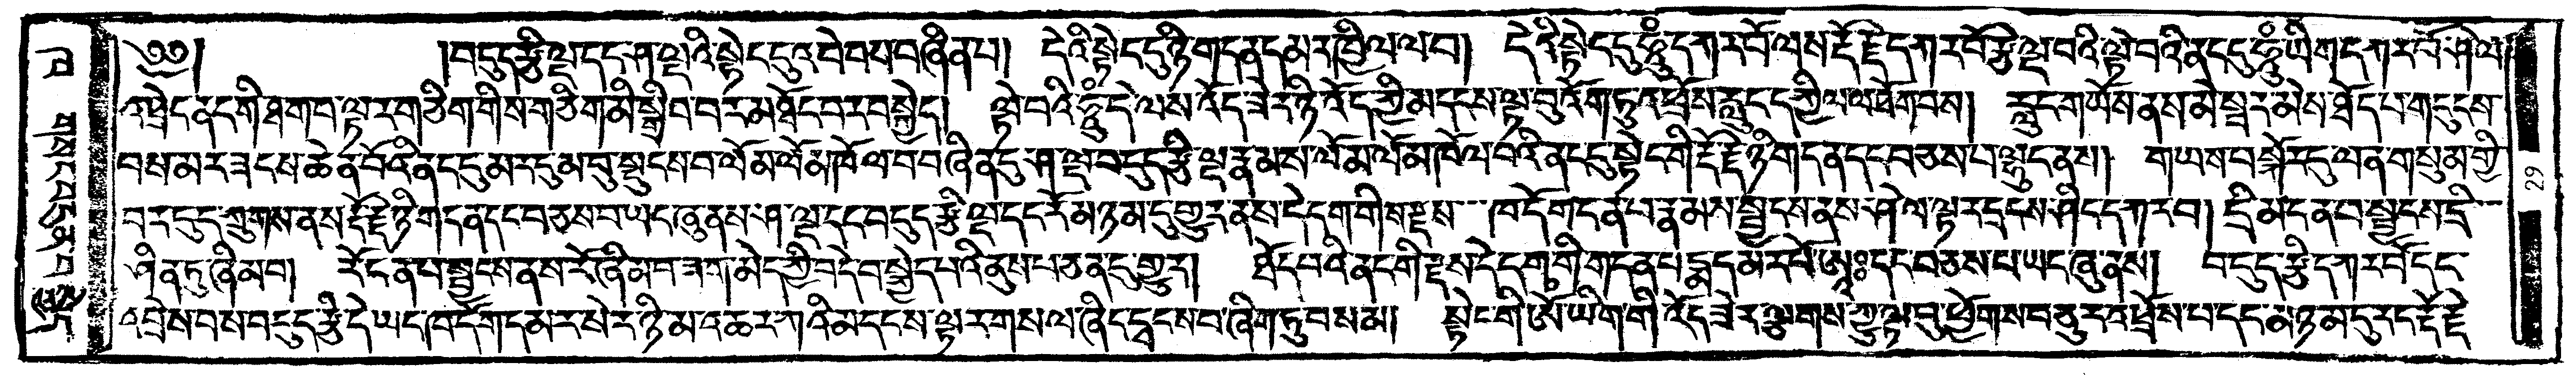༄༅། །བདུད་རྩི་ལྔ་དང་ཤ་ལྔའི་སྟེང་དུ་འབེབས་བཞིན་པ། དེའི་སྟེང་དུ་ཉི་གདན་དམར་ཁྱིལ་ལ་བ། དེའི་སྟེང་དུ་ཧཱུཾ་དཀར་པོ་ལས་རྡོ་རྗེ་དཀར་པོ་རྩེ་ལྔ་བའི་ལྟེ་བའི་ནང་དུ་ཧཱུཾ་ཡིག་དཀར་པོ་ཤེལ་
འཕྲེང་ནང་གི་ཐག་པ་ལྟར་གཅིག་གིས་གཅིག་མི་སྒྲིབ་བར་མཐོང་བར་བསྐྱེད། ལྟེ་བའི་ཧཱུཾ་དེ་ལས་འོད་ཟེར་ཉི་འོད་ཀྱི་མདངས་ལྟ་བུ་འོག་ཏུ་འཕྲོས་རླུང་དཀྱིལ་ལ་ཐོག་བས། རླུང་གཡོས་ནས་མེ་སྦར་མེས་ཐོད་པ་གདུངས་
བས་མར་ཟངས་ཆེན་པོའི་ནང་དུ་མར་དུམ་བུ་སྤུངས་བ་ལོམ་ལོམ་ཁོལ་བ་བཞིན་དུ་ཤ་ལྔ་བདུད་རྩི་ལྔ་རྣམས་ལོམ་ལོམ་ཁོལ་བའི་ནང་དུ་སྟེང་གི་རྡོ་རྗེ་ཉི་གདན་དང་བཅས་པ་ལྷུང་ནས། གཡས་བསྐོར་དུ་ལན་གསུམ་གྱི་
བར་དུ་དཀྲུགས་ནས་རྡོ་རྗེ་ཉི་གདན་དང་བཅས་པ་ཡང་ཞུ་ནས་ཤ་ལྔ་དང་བདུད་རྩི་ལྔ་དང་རོ་མཉམ་དུ་གྱུར་ནས་དེ་དག་གིས་རྫས་ཁ་དོག་ངན་པ་རྣམས་སྦྱངས་ནས་ཤེལ་ལྟར་དྲངས་ཤིང་དཀར་བ། དྲི་མ་ངན་པ་སྦྱངས་དྲི་
ཤིན་ཏུ་ཞིམ་བ། རོ་ངན་པ་སྦྱངས་ནས་རོ་ཞིམ་བ་ཟག་མེད་ཀྱི་བདེ་བ་སྐྱེད་པའི་ནུས་པ་ཅན་དུ་གྱུར། ཐོད་པའི་ནང་གི་རྫས་དེ་དག་གི་གདན་པདམ་དམར་པོ་ཨཱཿ དང་བཅས་པ་ཡང་ཞུ་ནས། བདུད་རྩི་དཀར་པོ་དང་
འབྲེས་བས་བདུད་རྩི་དེ་ཡང་ཁ་དོག་དམར་སེར་ཉི་མ་འཆར་ཀའི་མདངས་ལྟར་གསལ་ཞིང་དྭངས་བ་ཞིག་ཏུ་བསམ། སྟེང་གི་ཨོཾ་ཡིག་གི་འོད་ཟེར་ལྕགས་ཀྱུ་ལྟ་བུ་ཕྱོགས་བཅུར་འཕྲོས་པ་དང་མཉམ་དུ་རང་རྡོ་རྗེ་